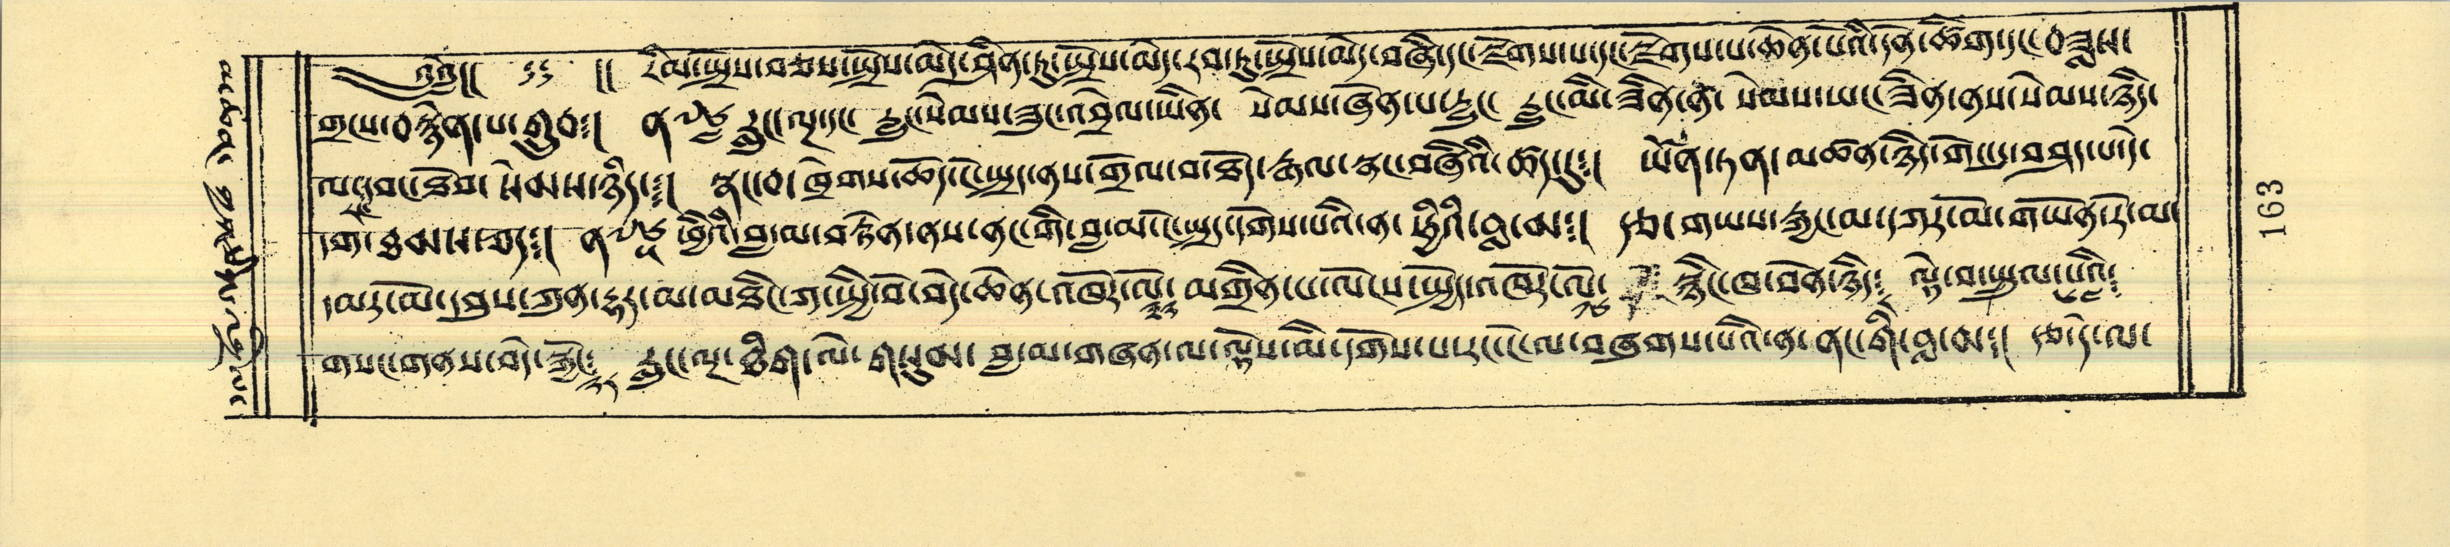རིམ་སྤྲོས་བཅས་སྤྲོས་མེད་ཤིན་ཏུ་སྤྲོས་མེད་རབ་ཏུ་སྤྲོས་མེད་བཞི་དང་རྫོགས་པ་ཆེན་པོའི་དོན་ཚིག་དང་༼བཟླས༽
གྲངས་༼བསྙེན་པ་གྲུབ༽ན༧༦།༤ ༼རླུང༽ལྔ་དང་རླུང་སེམས་ཟུང་འབྲེལ་ཡིན་སེམས་བཞོན་པ་རླུང་རླུང་ཟིན་ན་སེམས་ཡང་ཟིན་ནས་སེམས་ཉིད་
ལ་རང་དབང་ཐོབ་༼སེམས་ཉིད༽སྣང་བ་ཁྲེགས་ཆོད་ངོ་སྤྲད་ནས་གྲོལ་བ་ཐོད་རྒལ་སྣང་བཞི་༼ཚད་དུ༽༼ཡོན་ཏན༽མཚན་ཉིད་གོང་དུ་བཤད་པ་དེ་
དག་༼ཐམས་ཅད༽ན༧༦།༥ཕྱིའི་བླ་མ་བསྟེན་ནས་ནང་གི་བླ་མ་ངོ་སྤྲད་དགོས་པས་ན་༼ཕྱིའི་བླ་མ༽༼རྩ༽གཡས་རྐྱང་མ་དཀར་པོ་གཡོན་རོ་མ་
དམར་མོ་ཀུན་དྷར་མ་མཐིང་ཀ་སྤྱི་བོ་བདེ་ཆེན་༣༢ མགྲིན་པ་ལོངས་སྤྱོད་འཁོར་ལོ་༡༦ སྙིང་ཁ་བོན་ཉིད་༨ ལྟེ་བ་སྤྲུལ་པའི་༦༤ 
གསང་གནས་བདེ་སྐྱོང་འཁོར་ལོ་༢༨ རླུང་ལྔ་༼ཐིག་ལེ་གསུམ་༽བླ་མ་གཞན་ལ་ལྟོས་མི་དགོས་པ་རང་ངོ་ལ་བཞུགས་པས་ན་༼ནང་གི་བླ་མ༽རྩ་༼དེ་ལ༽